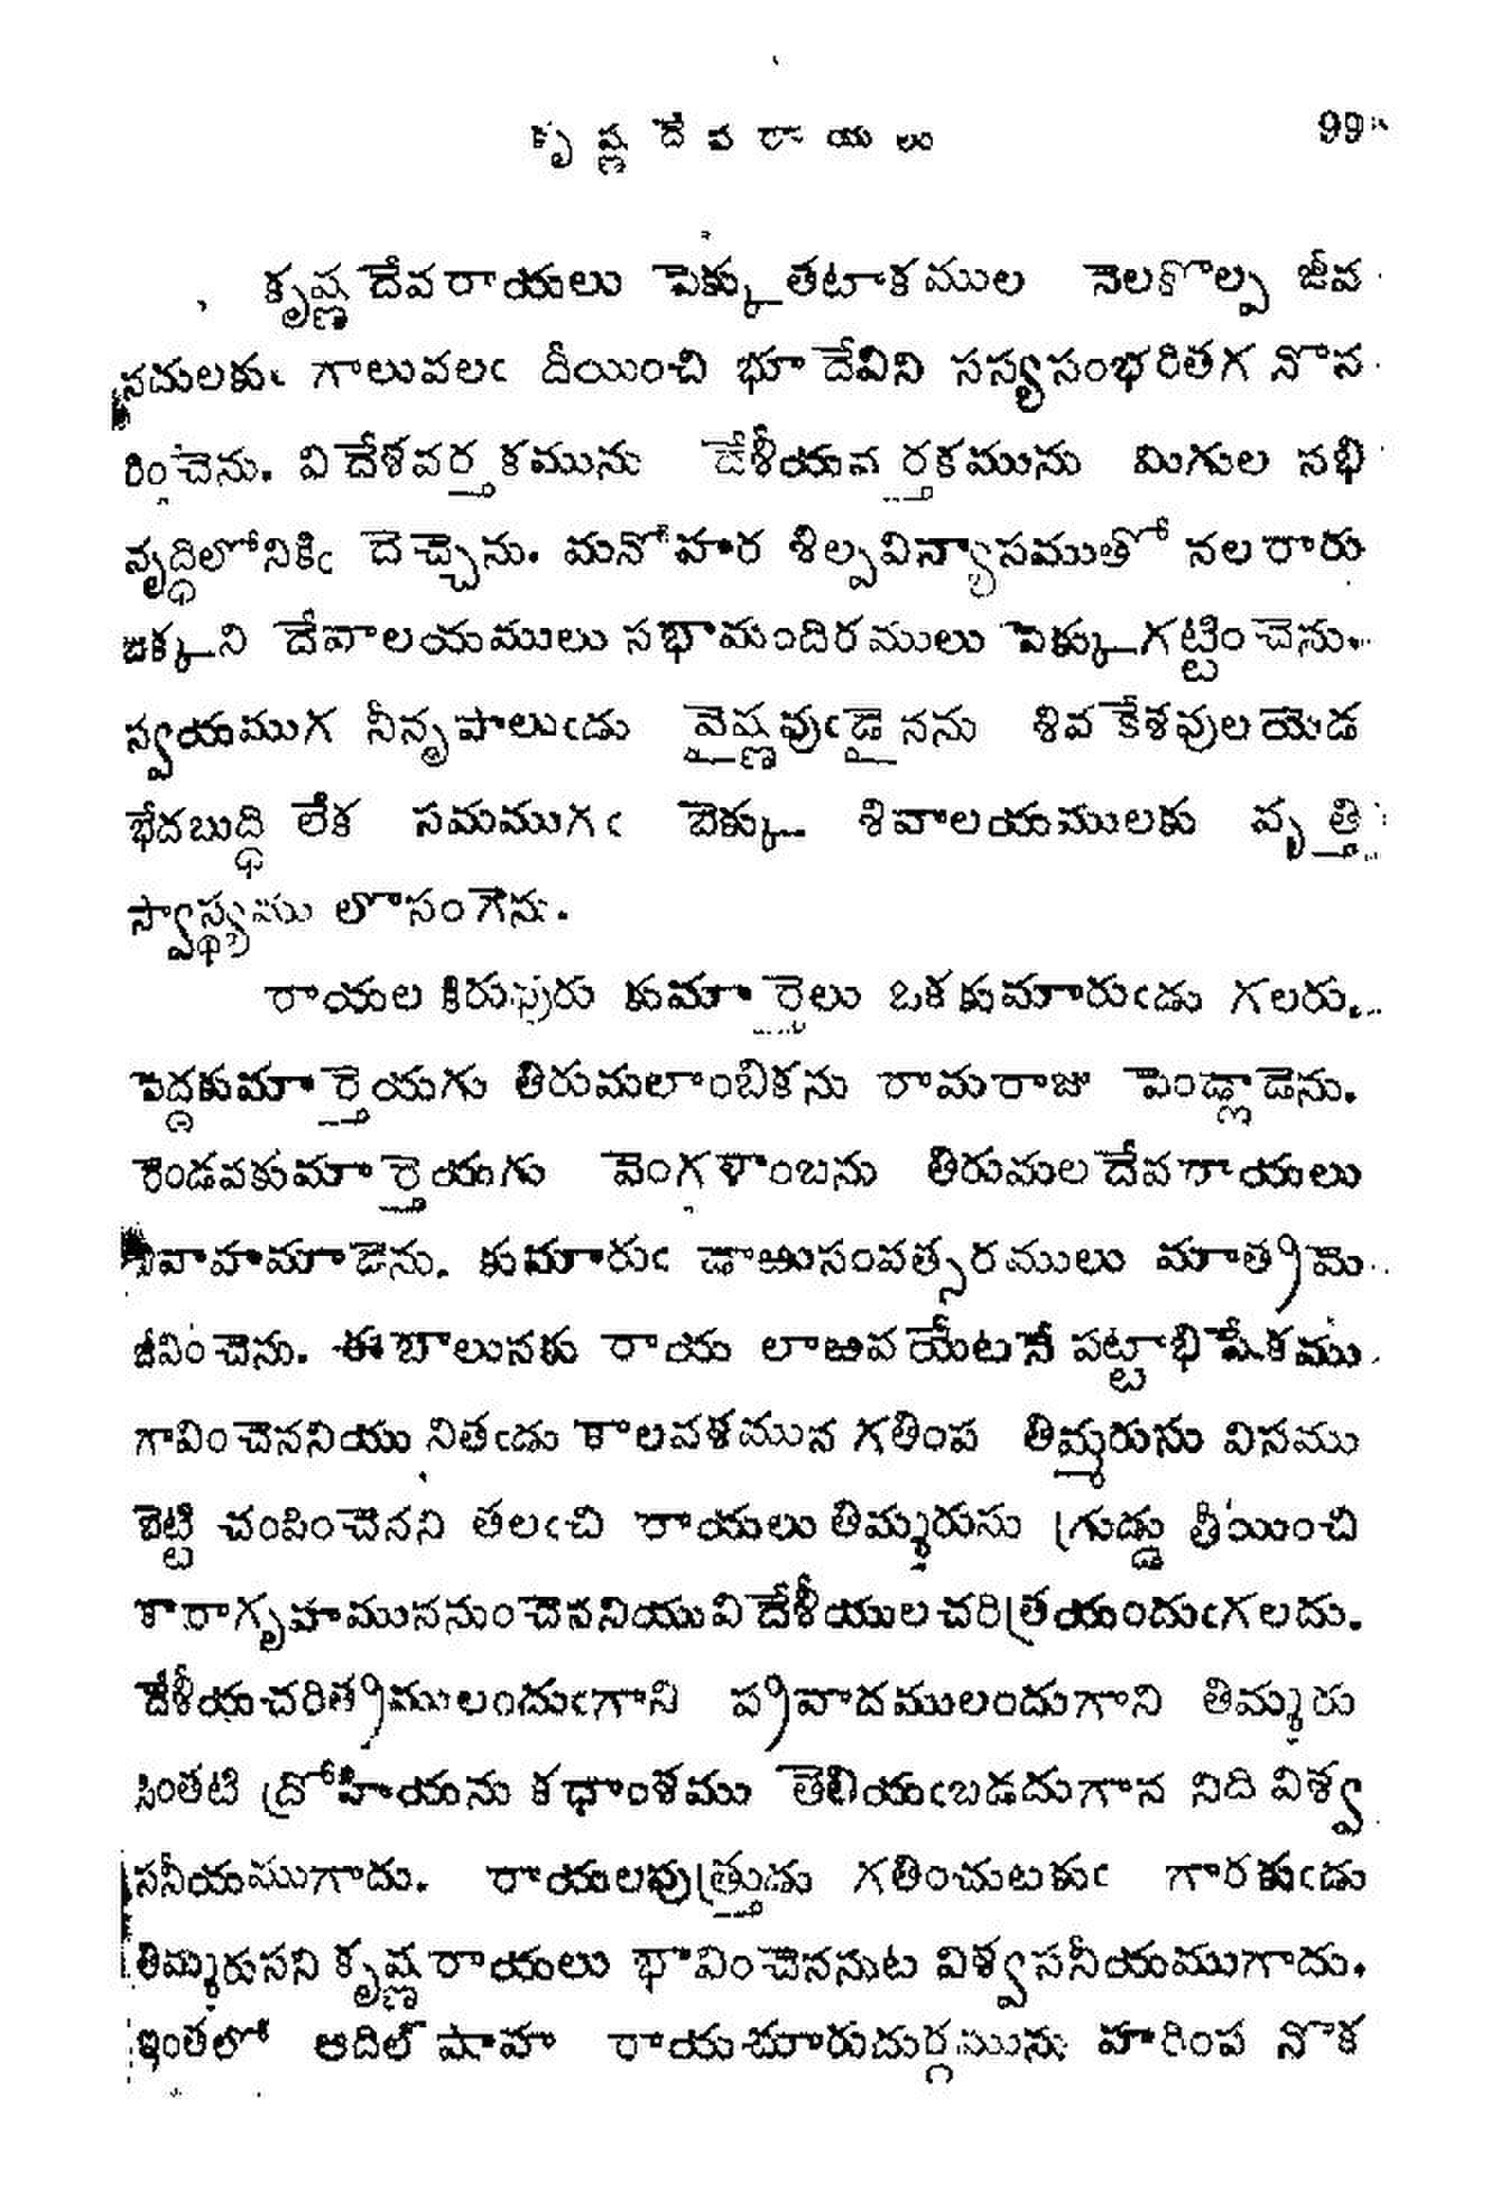కృష్ణదేవరాయలు పెక్కుతటాకముల నెలకొల్ప జీవనదులకు గాలువల దీయించి భూదేవిని సస్యసంభరితగ నొనరించెను. విదేశవర్తకమును దేశీయవర్తకమును మిగుల నభివృద్ధిలోనికి దెచ్చెను. మనోహర శిల్పవిన్యాసముతో నలరారు జక్కని దేవాలయములు సభామందిరములు పెక్కుగట్టించెను. స్వయముగ నీనృపాలుడు వైష్ణవుడైనను శివకేశవులయెడ భేదబుద్ధి లేక సమముగ బెక్కు శివాలయములను వృత్తి స్వాస్థ్యము లొసంగెను.

రాయల కిరువురు కుమార్తెలు ఒకకుమారుడు గలరు. పెద్దకుమార్తెయగు తిరుమలాంబికను రామరాజు పెండ్లాడెను.రెండవకుమార్తెయగు వెంగళాంబను తిరుమల దేవరాయలు వివాహమాడెను. కుమారు డాఱుసంవత్సరములు మాత్రమె జీవించెను. ఈబాలునకు రాయ లాఱవయేటనే పట్టాభిషేకము గావించెననియు నితడు కాలవశమున గతింప తిమ్మరుసు విసముబెట్టి చంపించెనని తలచి రాయలు తిమ్మరుసు గ్రుడ్డు తీయించి కారాగృహముననుంచెననియు విదేశీయుల చరిత్రయందుగలదు. దేశీయ చరిత్రములందుగాని ప్రవాదములందుగాని తిమ్మరుసింతటి ద్రోహియను కధాంశము తెలియబడదుగాన నిది విశ్వసనీయముగాదు. రాయలపుత్రుడు గతించుటకు గారకుడు తిమ్మరుసని కృష్ణరాయలు భావించెననుట విశ్వసనీయముగాదు. ఇంతలో ఆదిల్‌షాహ రాయచూరుదుర్గమును హరింప నొక